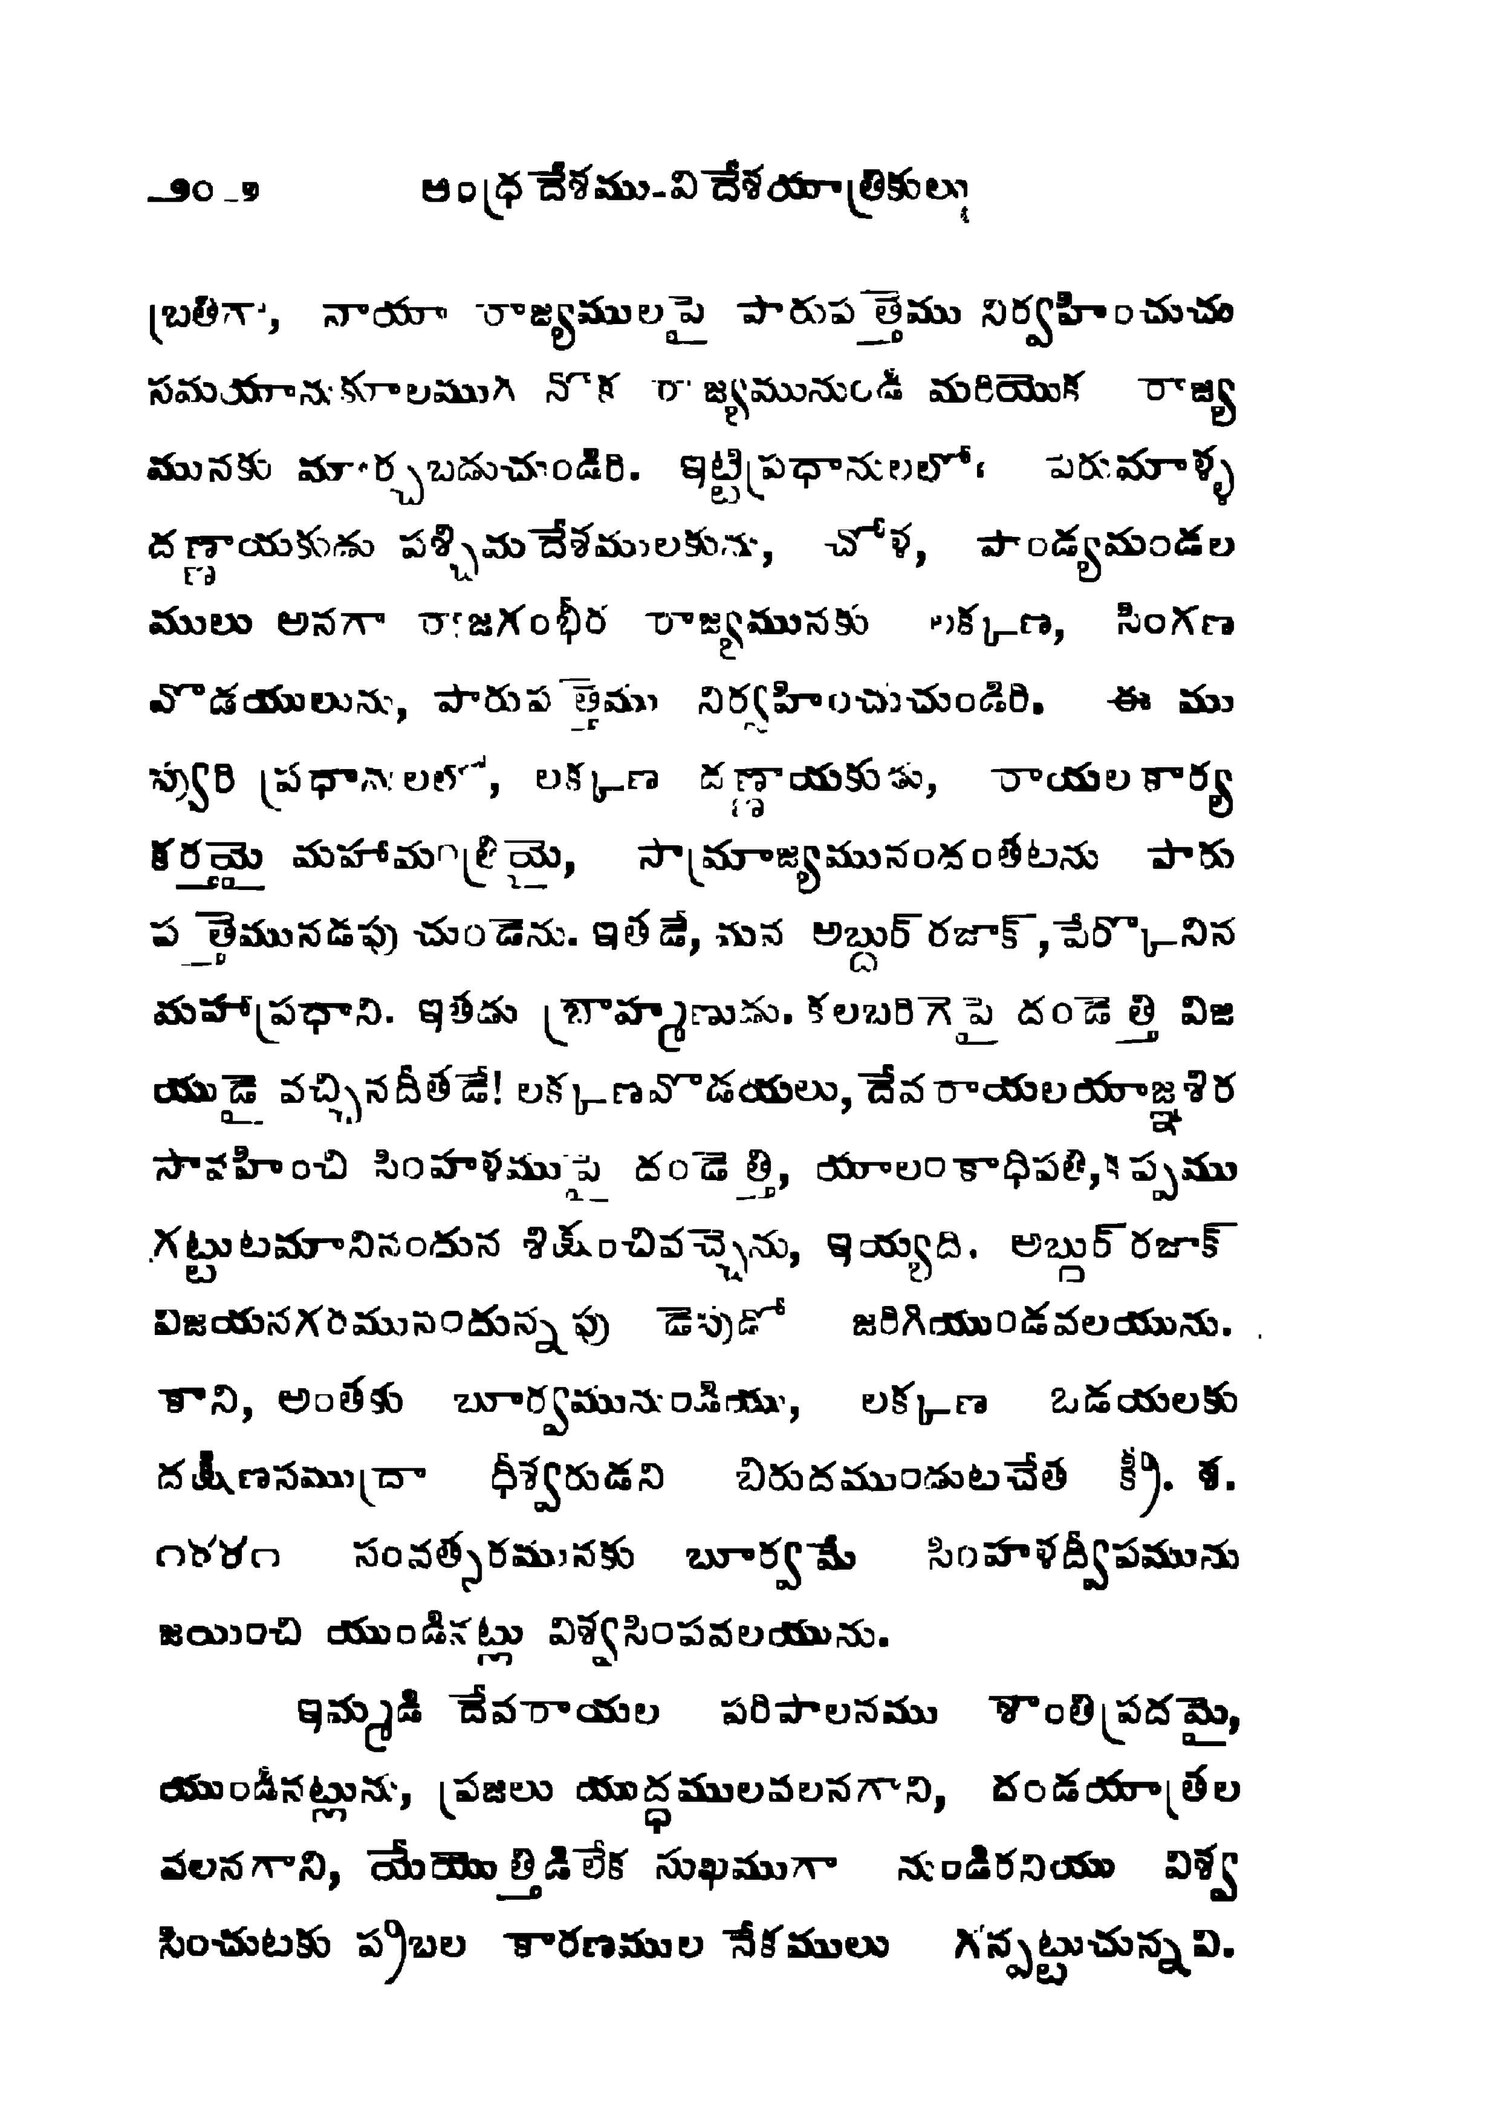బ్రతిగా, నాయా రాజ్యములపై పారుపత్తెము నిర్వహించుచు సమయానుకూలముగ నొక రాజ్యమునుండి మరియొక రాజ్యమునకు మార్చబడుచుండిరి. ఇట్టి ప్రధానులలో పెరుమాళ్ళ దణ్ణాయకుడు పశ్చిమ దేశములకును, చోళ, పాండ్య మండలములు అనగా రాజగంభీర రాజ్యమునకు లక్కణ, సింగణ వొడయులును, పారుపత్తెము నిర్వహించుచుండిరి. ఈ మువ్వురి ప్రధానులలో,లక్కణ దణ్ణాయకుడు, రాయల కార్యకర్తయై మహామంత్రియై, సామ్రాజ్యము నందంతటను పారుపత్తెమునడపు చుండెను. ఇతడే, మన అబ్దుర్ రజాక్, పేర్కొనిన మహాప్రధాని. ఇతడు బ్రాహ్మణుడు. కలబరిగెపై దండెత్తి విజయుడై వచ్చినదీతడే! లక్కణ వొడయలు, దేవరాయల యాజ్ఞ శిరసావహించి సింహళముపై దండెత్తి, యాలంకాధిపతి, కప్పము గట్టుటమాని నందున శిక్షించివచ్చెను, ఇయ్యది. అబ్దుర్ రజాక్ విజయనగరము నందున్నపు డెపుడో జరిగియుండ వలయును. కాని, అంతకు బూర్వము నుండియు లక్కణ ఒడయలకు దక్షిణసముద్రా ధీశ్వరుడని బిరుదముండుటచేత క్రీ.శ. 1441 సంవత్సరమునకు బూర్వమే సింహళద్వీపమును జయించి యుండినట్లు విశ్వసింపవలయును.

ఇమ్మడి దేవరాయల పరిపాలనము శాంతిప్రదమై, యుండినట్లును, ప్రజలు యుద్ధముల వలనగాని, దండయాత్రల వలనగాని, యేయొత్తిడిలేక సుఖముగా నుండిరనియు విశ్వసించుటకు ప్రబల కారణముల నేకములు గన్పట్టుచున్నవి.